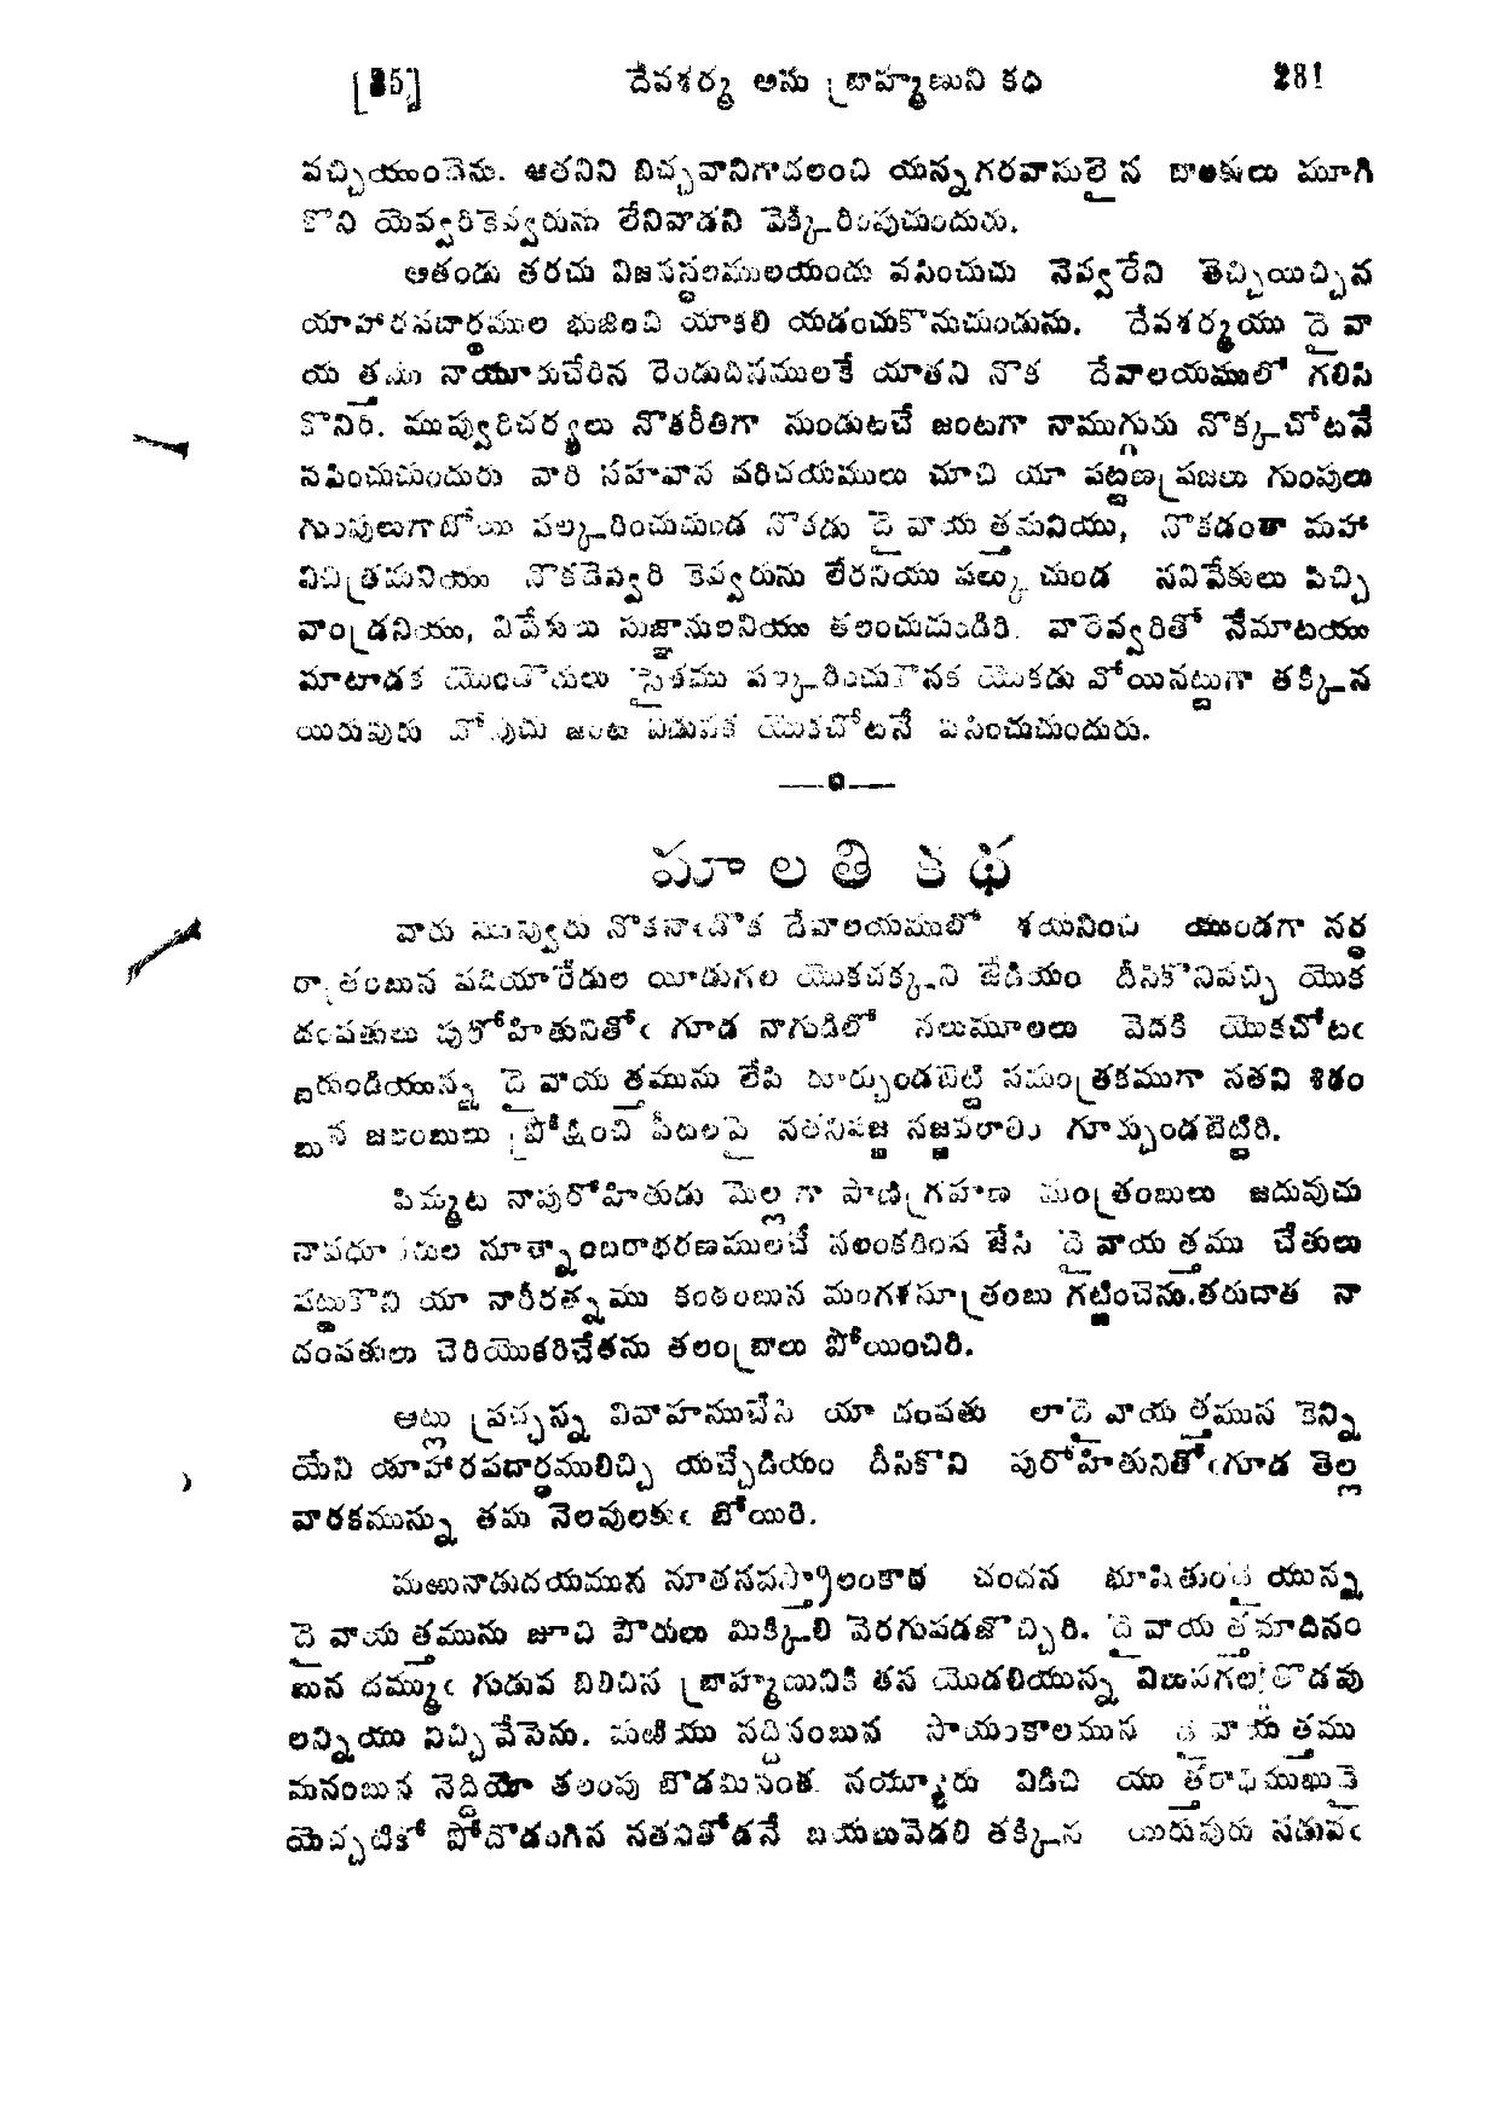వచ్చియుండెను. అతనిని బిచ్చవానిగాదలంచి యన్నగరవాసులైన బాలకులు మూగికొని యెవ్వరికెవ్వరును లేనివాడని వెక్కిరింపుచుందురు.

అతండు తరచు విజనస్థలములయందు వసించుచు నెవ్వరేని తెచ్చియిచ్చిన యాహారపదార్థముల భుజించి యాకలి యడంచుకొనుచుండును. దేవశర్మయు దైవాయత్తము నాయూరుచేరిన రెండుదినములకే యాతని నొక దేవాలయములో గలిసికొనిరి. మువ్వురిచర్యలు నొకరీతిగా నుండుటచే జంటగా నాముగ్గురు నొక్క చోటనే వసించుచుందురు వారి సహవాస వరిచయములు చూచి యా పట్టణ ప్రజలు గుంపులు గుంపులుగాబోయి పల్కరించుచుండ నొకడు దైవాయత్తమనియు, నొకడంతా మహావిచిత్రమనియు నొకడెవ్వరి కెవ్వరును లేరనియు పల్కు చుండ నవివేకులు పిచ్చివాండ్రనియు, వివేకులు సుజ్ఞానులనియు తలంచుచుండిరి. వారెవ్వరితో నేమాటయు మాటాడక యొండొరులు సైతము పల్కరించుకొనక యొకడు వోయినట్టుగా తక్కిన యిరువురు బోవుచు జంట విడువక యొకచోటనే వసించుచుందురు.

మాలతి కథ

వారు మువ్వురు నొకనాఁడొక దేవాలయములో శయనించి యుండగా నర్థరాత్రంబున పదియారేడుల యీడుగల యొకచక్కని జేడియం దీసికొనివచ్చి యొక దంపతులు పురోహితునితోఁ గూడ నాగుడిలో నలుమూలలు వెదకి యొకచోటఁ బరుండియున్న దైవాయత్తమును లేపి కూర్చుండబెట్టి నమంత్రకముగా నతని శిరంబున జలంబులు ప్రోక్షించి పీటలపై నతనిపజ్జ నజ్జవరాలిం గూర్చుండబెట్టిరి.

పిమ్మట నాపురోహితుడు మెల్లగా పాణిగ్రహణ మంత్రంబులు జదువుచు నావధూవరుల నూత్నాంబరాభరణములచే నలంకరింప జేసి దైవాయత్తము చేతులు పట్టుకొని యా నారీరత్నము కంఠంబున మంగళసూత్రంబు గట్టించెను. తరువాత నా దంపతులు చెరియొకరిచేతను తలంబ్రాలు పోయించిరి.

అట్లు ప్రచ్ఛన్నవివాహముచేసి యా దంపతు లాదైవాయత్తమున కెన్ని యేని యాహారపదార్ధములిచ్చి యచ్చేడియం దీసికొని పురోహితునితోఁగూడ తెల్లవారకమున్ను తమ నెలవులకుఁ బోయిరి.

మఱునాడుదయమున నూతనవస్త్రాలంకార చందన భూషితుండై యున్న దైవాయత్తమును జూచి పౌరులు మిక్కిలి వెరగుపడజొచ్చిరి. దైవాయత్త మాదినంబున దమ్ముఁ గుడువ బిలిచిన బ్రాహ్మణునికి తన యొడలియున్న విలువగలతొడవులన్నియు నిచ్చివేసెను. మఱియు నద్దినంబున సాయంకాలమున దైవాయత్తము మనంబున నెద్దియో తలంపు బొడమినంత నయ్యూరు విడిచి యుత్తరాబిముఖుడై యెచ్చటికో పోదొడంగిన నతనితోడనే బయలువెడలి తక్కిన యిరువురు నడువఁ